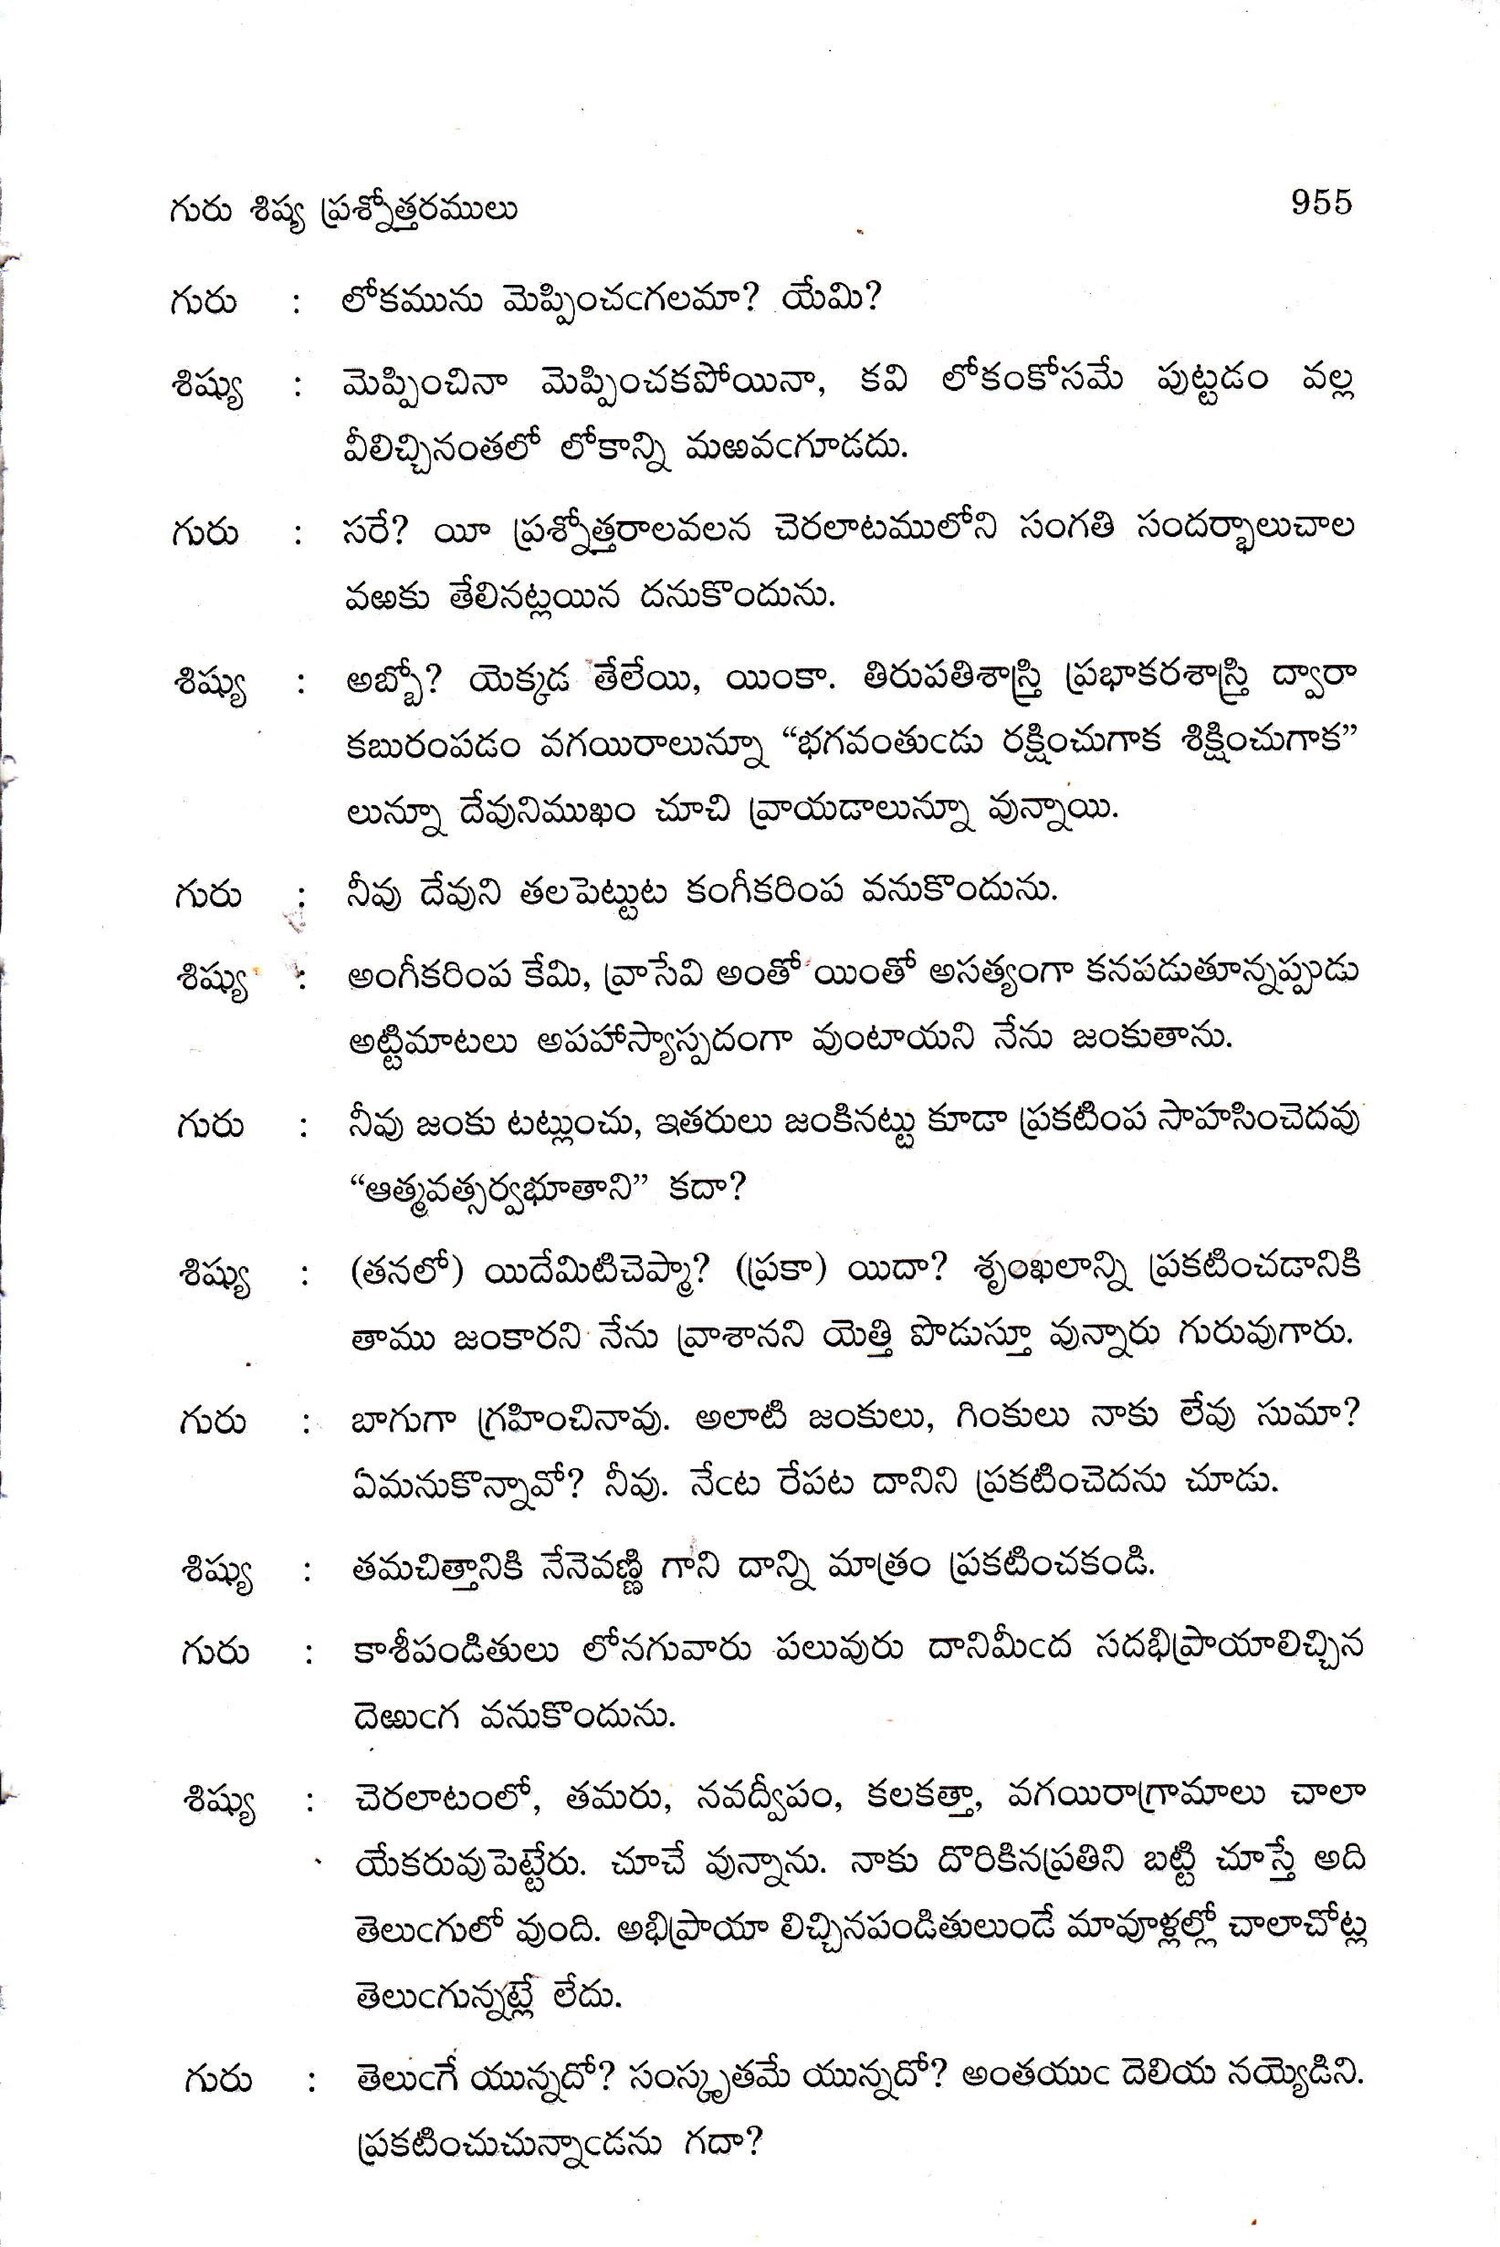గురు : లోకమును మెప్పించఁగలమా? యేమి?

శిష్యు : మెప్పించినా మెప్పించకపోయినా, కవి లోకంకోసమే పుట్టడం వల్ల వీలిచ్చినంతలో లోకాన్ని మఱవఁగూడదు.

గురు : సరే? యీ ప్రశ్నోత్తరాలవలన చెరలాటములోని సంగతి సందర్భాలుచాల వఱకు తేలినట్లయిన దనుకొందును.

శిష్యు : అబ్బో? యెక్కడ తేలేయి, యింకా. తిరుపతిశాస్త్రి ప్రభాకరశాస్త్రి ద్వారా కబురంపడం వగయిరాలున్నూ "భగవంతుఁడు రక్షించుగాక శిక్షించుగాక” లున్నూ దేవునిముఖం చూచి వ్రాయడాలున్నూ వున్నాయి.

గురు : నీవు దేవుని తలపెట్టుట కంగీకరింప వనుకొందును.

శిష్యు : అంగీకరింప కేమి, వ్రాసేవి అంతో యింతో అసత్యంగా కనపడుతూన్నప్పుడు అట్టిమాటలు అపహాస్యాస్పదంగా వుంటాయని నేను జంకుతాను.

గురు : నీవు జంకు టట్లుంచు, ఇతరులు జంకినట్టు కూడా ప్రకటింప సాహసించెదవు “ఆత్మవత్సర్వభూతాని" కదా?

శిష్యు : (తనలో) యిదేమిటిచెప్మా? (ప్రకా) యిదా? శృంఖలాన్ని ప్రకటించడానికి తాము జంకారని నేను వ్రాశానని యెత్తి పొడుస్తూ వున్నారు గురువుగారు.

గురు : బాగుగా గ్రహించినావు. అలాటి జంకులు, గింకులు నాకు లేవు సుమా? ఏమనుకొన్నావో? నీవు. నేఁట రేపట దానిని ప్రకటించెదను చూడు.

శిష్యు : తమచిత్తానికి నేనెవణ్ణి గాని దాన్ని మాత్రం ప్రకటించకండి.

గురు : కాశీపండితులు లోనగువారు పలువురు దానిమీఁద సదభిప్రాయాలిచ్చిన దెఱుఁగ వనుకొందును.

శిష్యు : చెరలాటంలో, తమరు, నవద్వీపం, కలకత్తా, వగయిరాగ్రామాలు చాలా యేకరువుపెట్టేరు. చూచే వున్నాను. నాకు దొరికినప్రతిని బట్టి చూస్తే అది తెలుఁగులో వుంది. అభిప్రాయా లిచ్చినపండితులుండే మావూళ్లల్లో చాలాచోట్ల తెలుఁగున్నట్లే లేదు. 

గురు : తెలుఁగే యున్నదో? సంస్కృతమే యున్నదో? అంతయుఁ దెలియ నయ్యోడిని. ప్రకటించుచున్నాఁడను గదా?